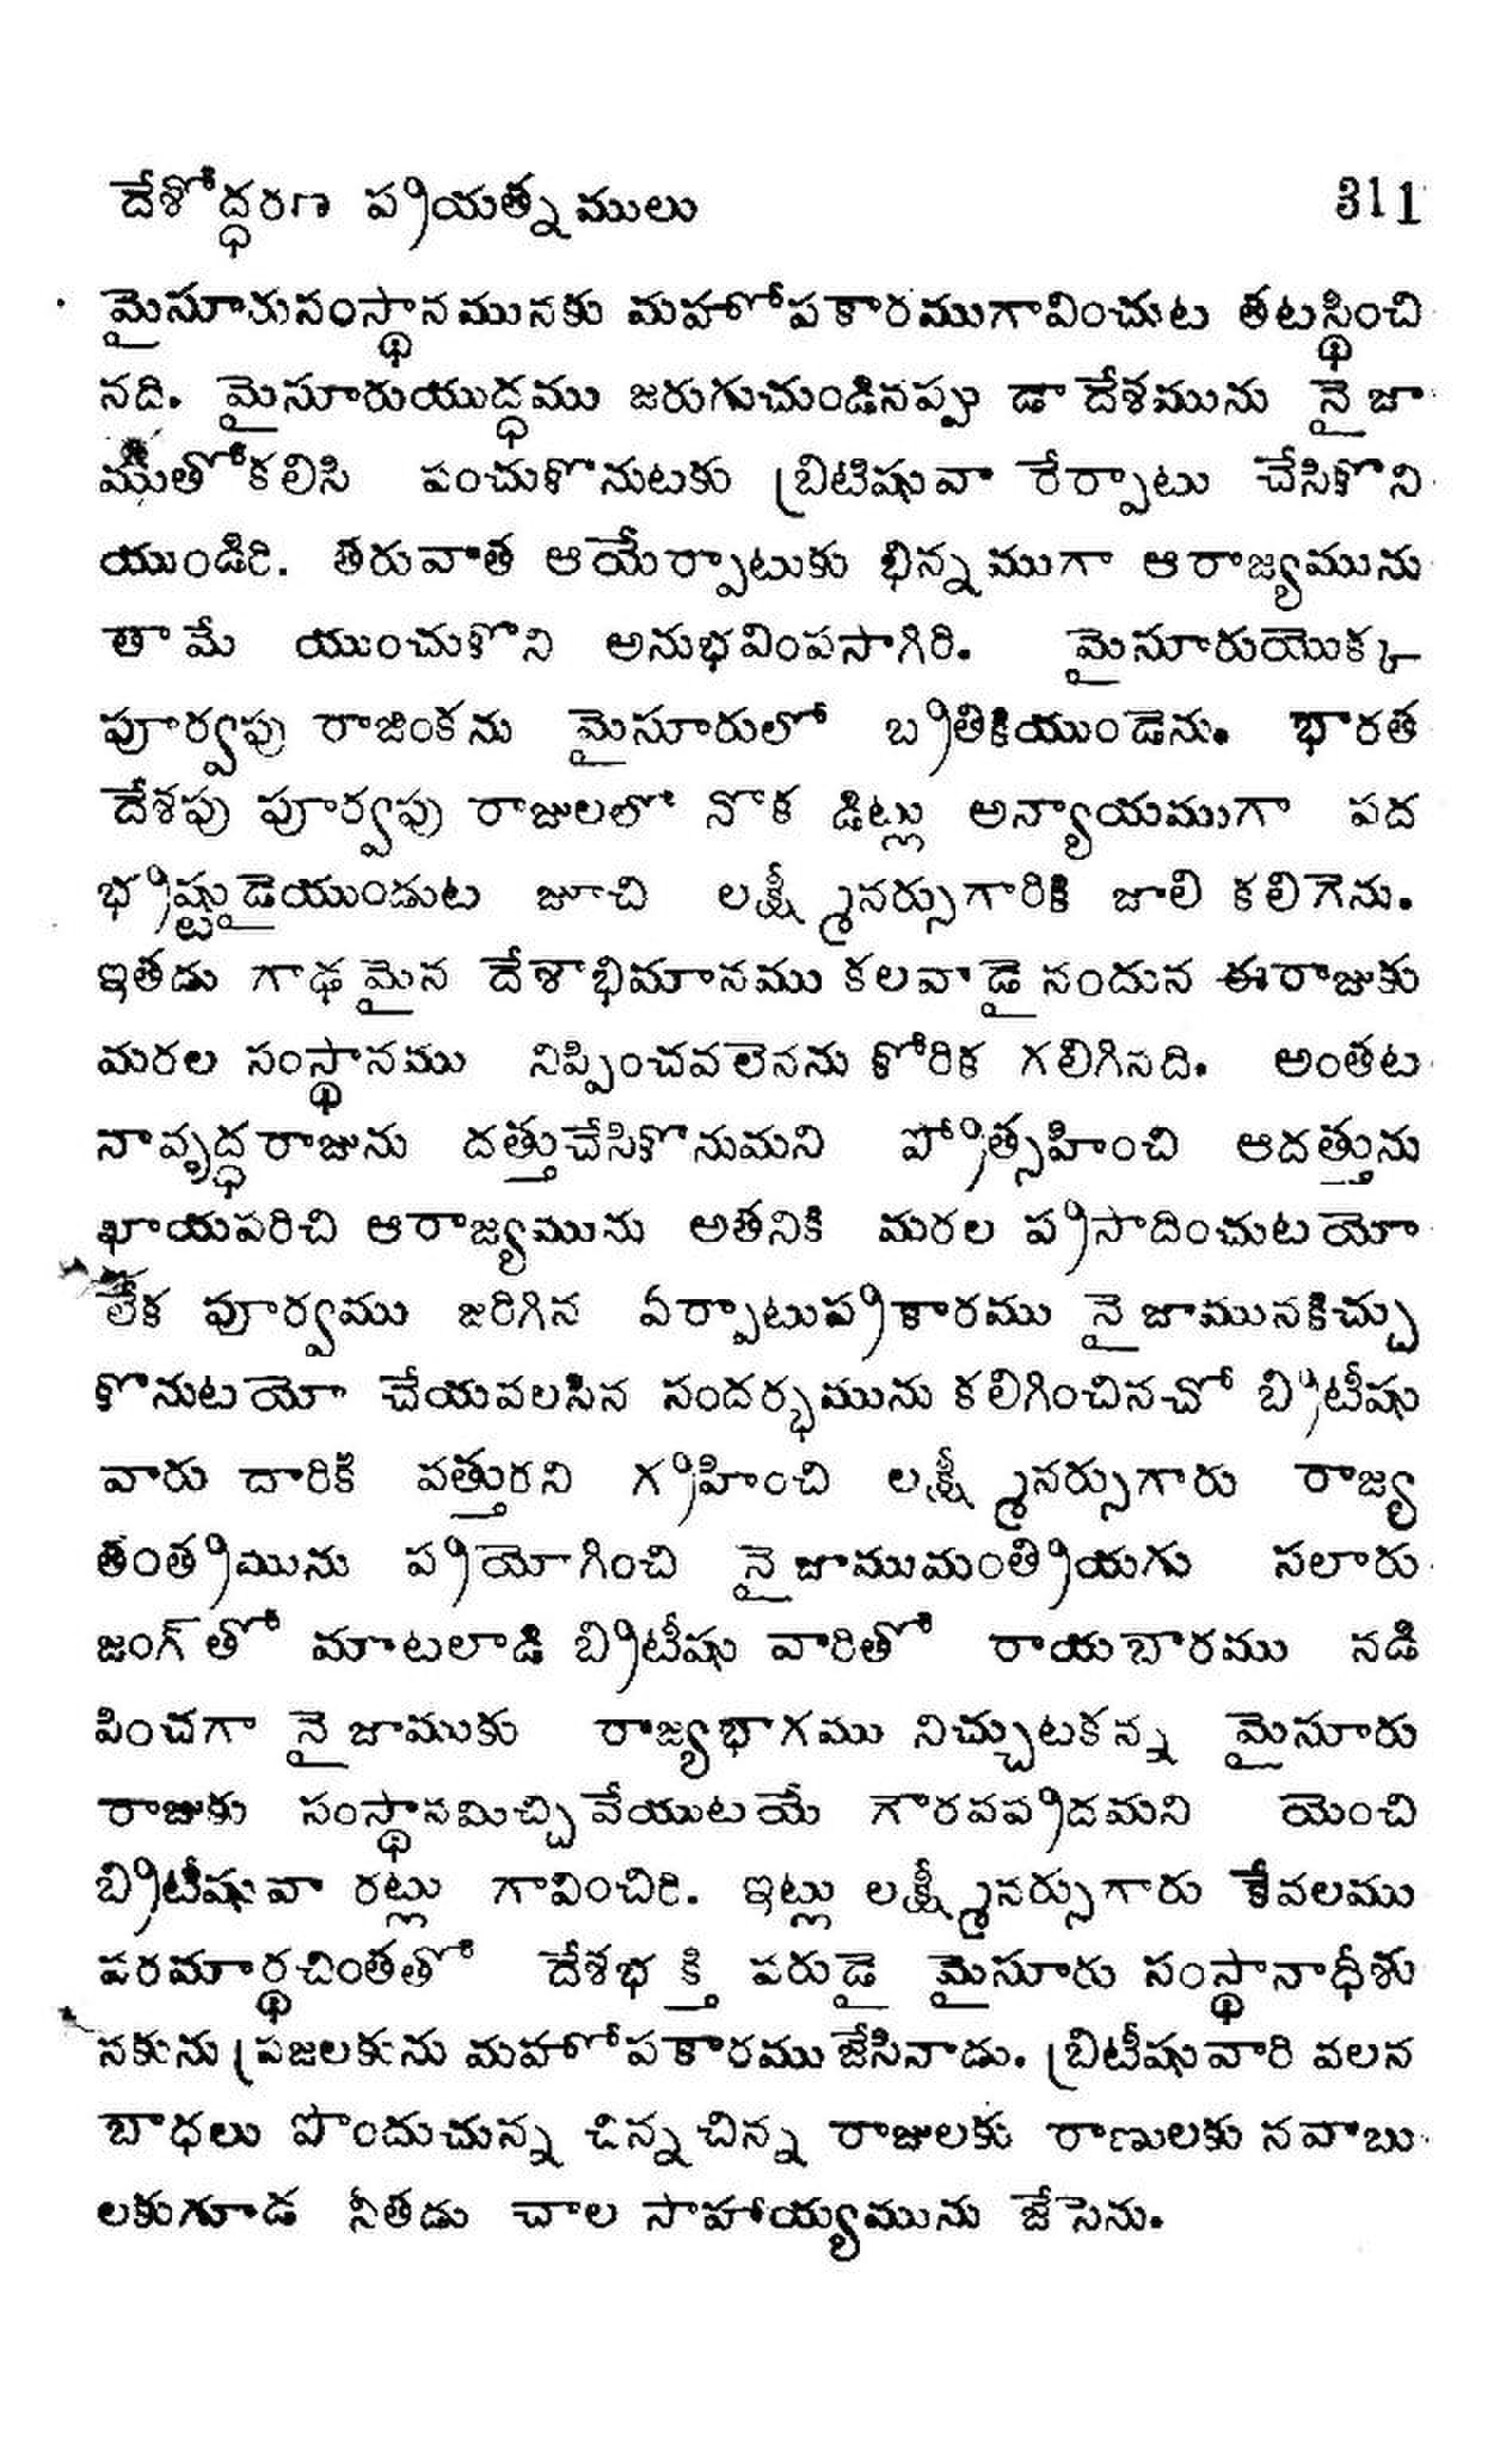మైసూరుసంస్థానమునకు మహోపకారముగావించుట తటస్థించినది. మైసూరుయుద్ధము జరుగుచుండినప్పు డా దేశమును నైజాముతోకలిసి పంచుకొనుటకు బ్రిటిషువా రేర్పాటు చేసికొని యుండిరి. తరువాత ఆయేర్పాటుకు భిన్నముగా ఆ రాజ్యమును తామే యుంచుకొని అనుభవింపసాగిరి. మైసూరుయొక్క పూర్వపు రాజింకను మైసూరులో బ్రతికియుండెను. భారతదేశపు పూర్వపు రాజులలో నొక డిట్లు అన్యాయముగా పదభ్రష్టుడైయుండుట జూచి లక్ష్మీనర్సుగారికి జాలి కలిగెను. ఇతడు గాఢమైన దేశాభిమానము కలవాడైనందున ఈ రాజుకు మరల సంస్థానము నిప్పించవలెనను కోరిక గలిగినది. అంతట నావృద్దరాజును దత్తుచేసికొనుమని ప్రోత్సహించి ఆదత్తును ఖాయపరిచి ఆరాజ్యమును అతనికి మరల ప్రసాదించుటయో లేక పూర్వము జరిగిన ఏర్పాటుప్రకారము నైజామునకిచ్చు కొనుటయో చేయవలసిన సందర్భమును కలిగించినచో బ్రిటీషువారు దారికి వత్తురని గ్రహించి లక్ష్మీనర్సుగారు. రాజ్యతంత్రమును ప్రయోగించి నైజముమంత్రియగు సలారుజంగ్‌తో మాటలాడి బ్రిటీషువారితో రాయబారము నడిపించగా నైజాముకు రాజ్యభాగము నిచ్చుటకన్న మైసూరురాజుకు సంస్థానమిచ్చివేయుటయే గౌరవప్రదమని యెంచి బ్రిటీషువా రట్లు గావించిరి. ఇట్లు లక్ష్మీనర్సుగారు కేవలము పరమార్ధచింతతో దేశభక్తి పరుడై మైసూరు సంస్థానాధీశునకును ప్రజలకును మహోపకారము జేసినాడు. బ్రిటీషువారి వలన బాధలు పొందుచున్న చిన్న చిన్న రాజులకు రాణులకు నవాబులకుగూడ నీతడు చాల సాహాయ్యమును జేసెను.